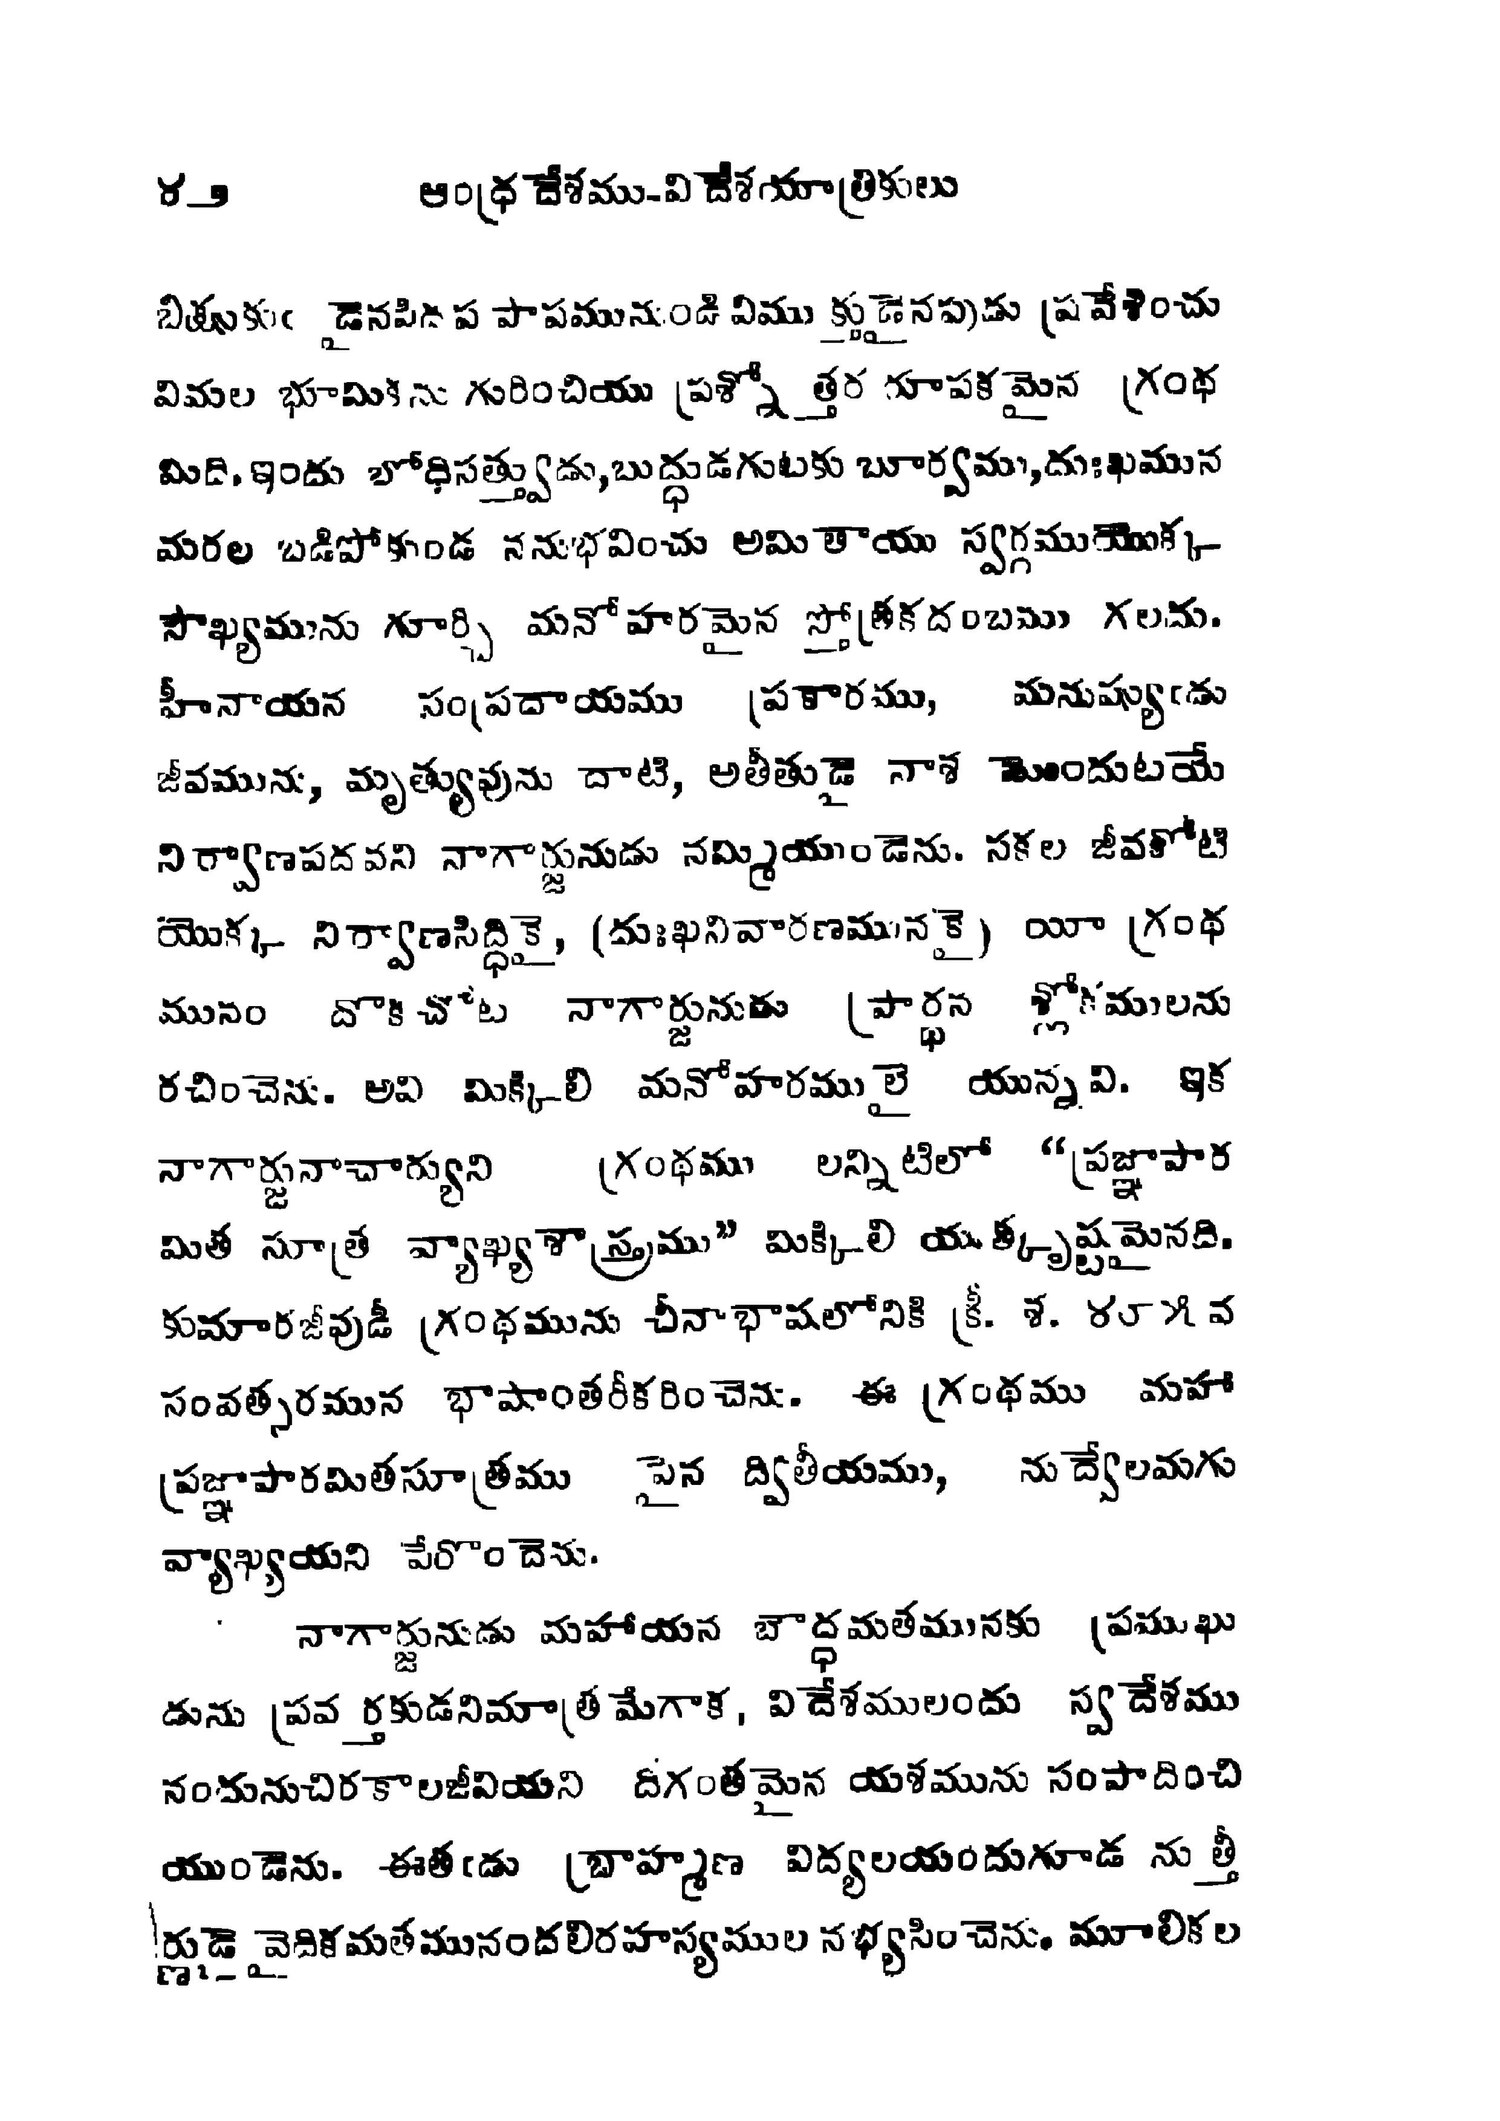బిక్షుకు డైనపిదప పాపమునుండి విముక్తుడైనప్పడు ప్రవేశించు విమల భూమికను గురించియు ప్రశ్నోత్తర రూపకమైన గ్రంథమిది. ఇందు బోధిసత్త్వుడు, బుద్ధుడగుటకు బూర్వము, దు:ఖమున మరల బడిపోకుండ ననుభవించు అమితాయు స్వర్గముయొక్క సౌఖ్యమును గూర్చి మనోహరమైన స్తోత్రకదంబము గలదు. హీనాయన సంప్రదాయము ప్రకారము మనుష్యుడు జీవమును, మృత్యువును దాటి, అతీతుడై నాశ మొందుటయే నిర్వాణపదవని నాగార్జునుడు నమ్మియుండెను. సకల జీవకోటియొక్క నిర్వాణసిద్ధికై, (దు:ఖనివారణమునకై) యీ గ్రంథమునం దొకచోట నాగార్జునుడు ప్రార్థన శ్లోకములను రచించెను. అవి మిక్కిలి మనోహరములై యున్నవి. ఇక నాగార్జునాచార్యుని గ్రంథము లన్నిటిలో "ప్రజ్ఞాపారమిత సూత్ర వ్యాఖ్యశాస్త్రము" మిక్కిలి యత్కృష్టమైనది. కుమారజీవుడీ గ్రంథమును చీనాభాషలోనికి క్రీ.శ. 485 వ సంవత్సరమున భాషాంతరీకరించెను. ఈ గ్రంథము మహా ప్రజ్ఞాపారమితసూత్రము పైన ద్వితీయము, నుద్వేలమగు వ్యాఖ్యయని పేరొందెను.

నాగార్జునుడు మహాయన బౌద్ధమతమునకు ప్రముఖుడును ప్రవర్తకుడనిమాత్రమేగాక, విదేశములందు స్వదేశమునందునుచిరకాలజీవియని దిగంతమైన యశమును సంపాదించి యుండెను. ఈతడు బ్రాహ్మణ విద్యలయందుగూడ నుత్తీర్ణుడై వైదికమతమునందలిరహస్యముల నభ్యసించెను. మూలికల